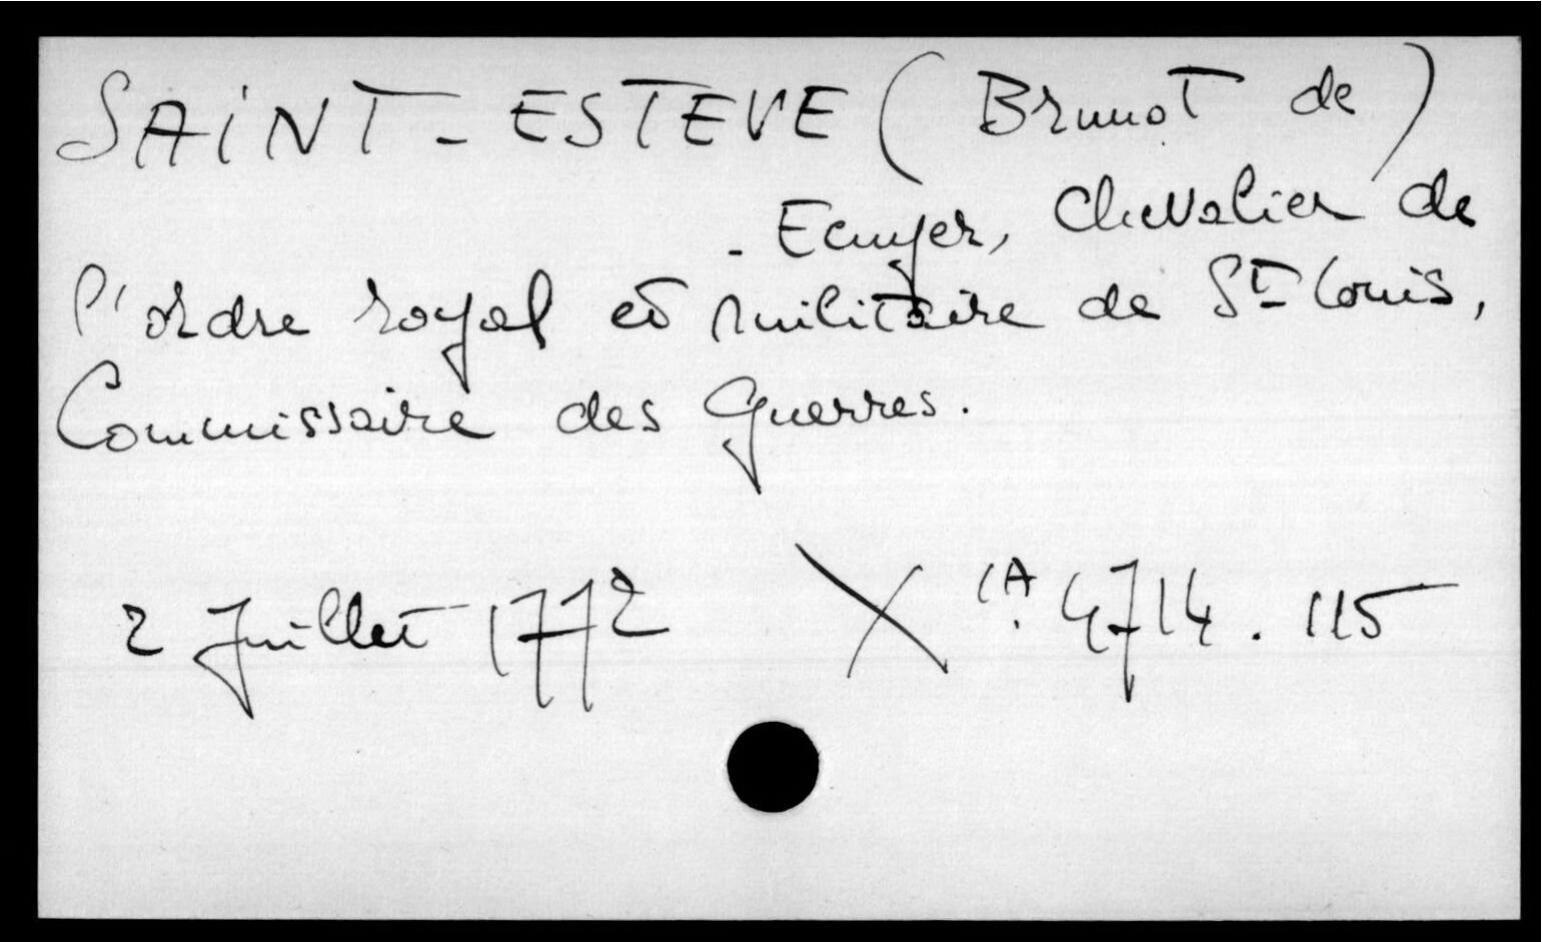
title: SAINT -ESTEVE (Brunot de) Chevalier de l'ordre royal et militaire de Saint-Louis, commissaire des guerres
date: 2 juillet 1772
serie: X1A
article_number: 4714
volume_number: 115
